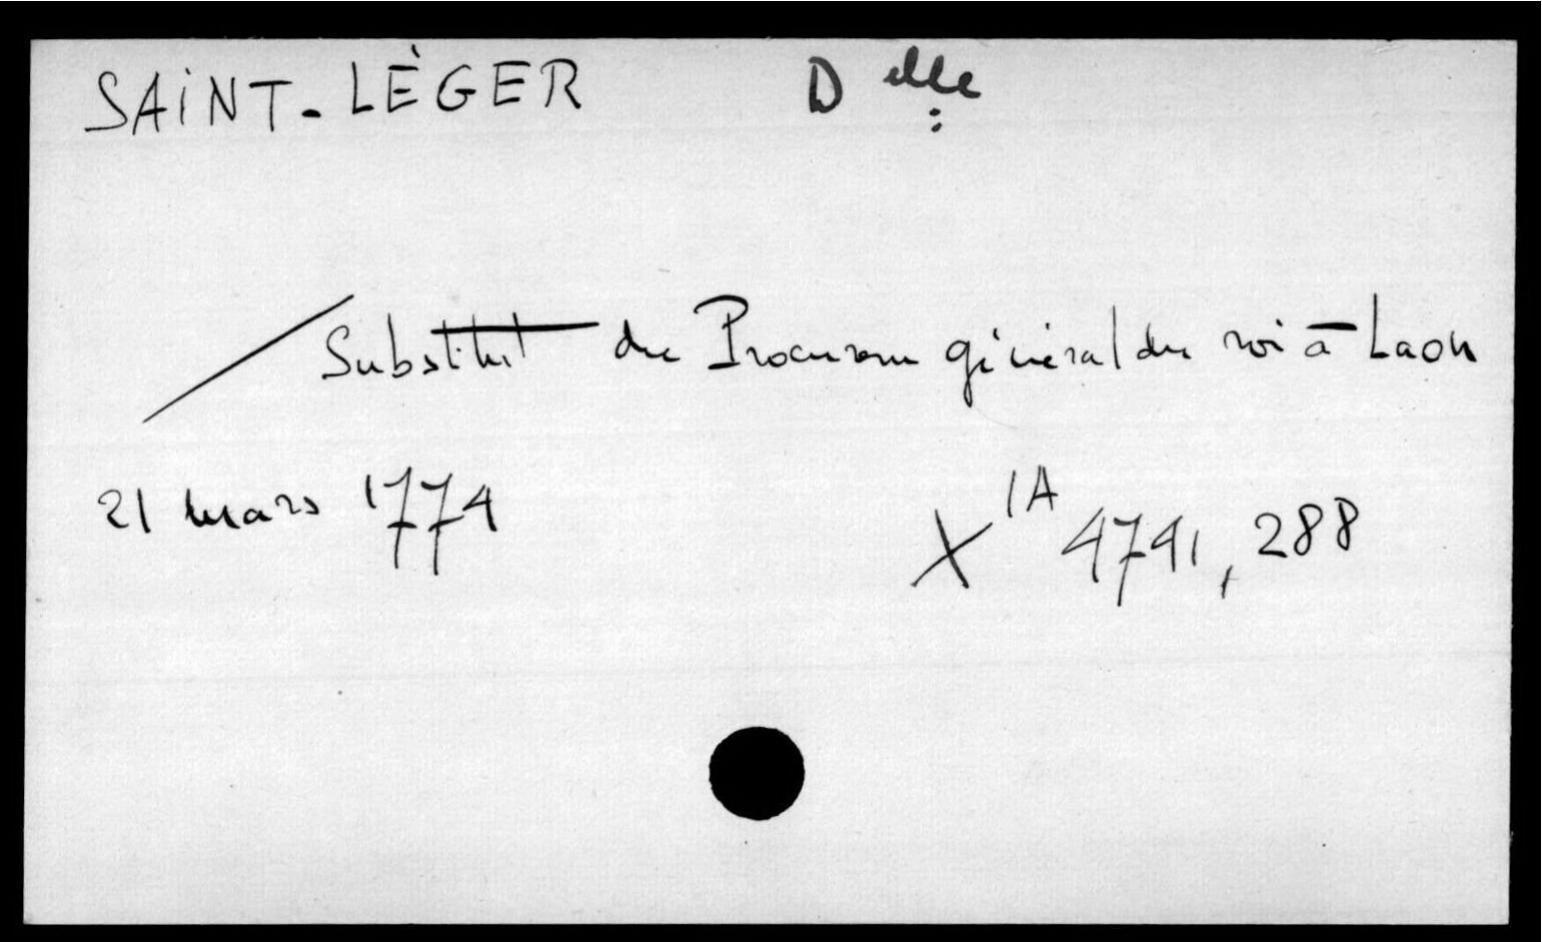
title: SAINT-LÉGER damoiselle
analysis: Contre Substitut du Procureur général du roi à Laon
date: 21 mars 1774
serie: X1A
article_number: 4741
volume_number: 288
